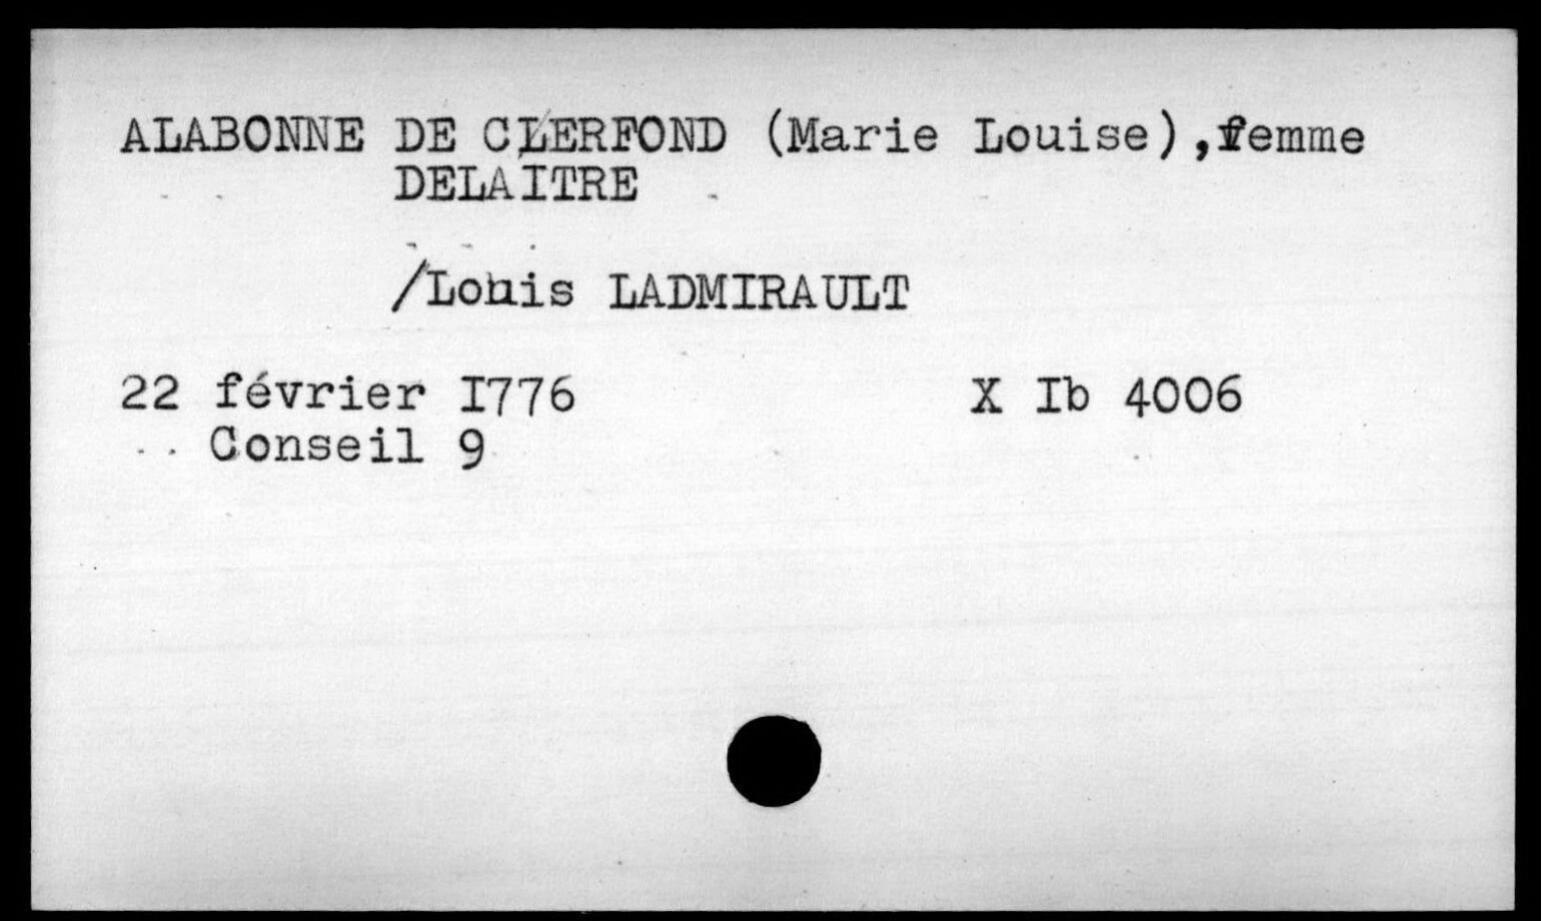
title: ALABONNE DE CLERFOND (Marie Louise), femme DELAITRE
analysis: Contre Louis LADMIRAULT
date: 22 février 1776
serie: X1b
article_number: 4006
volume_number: Conseil 9
